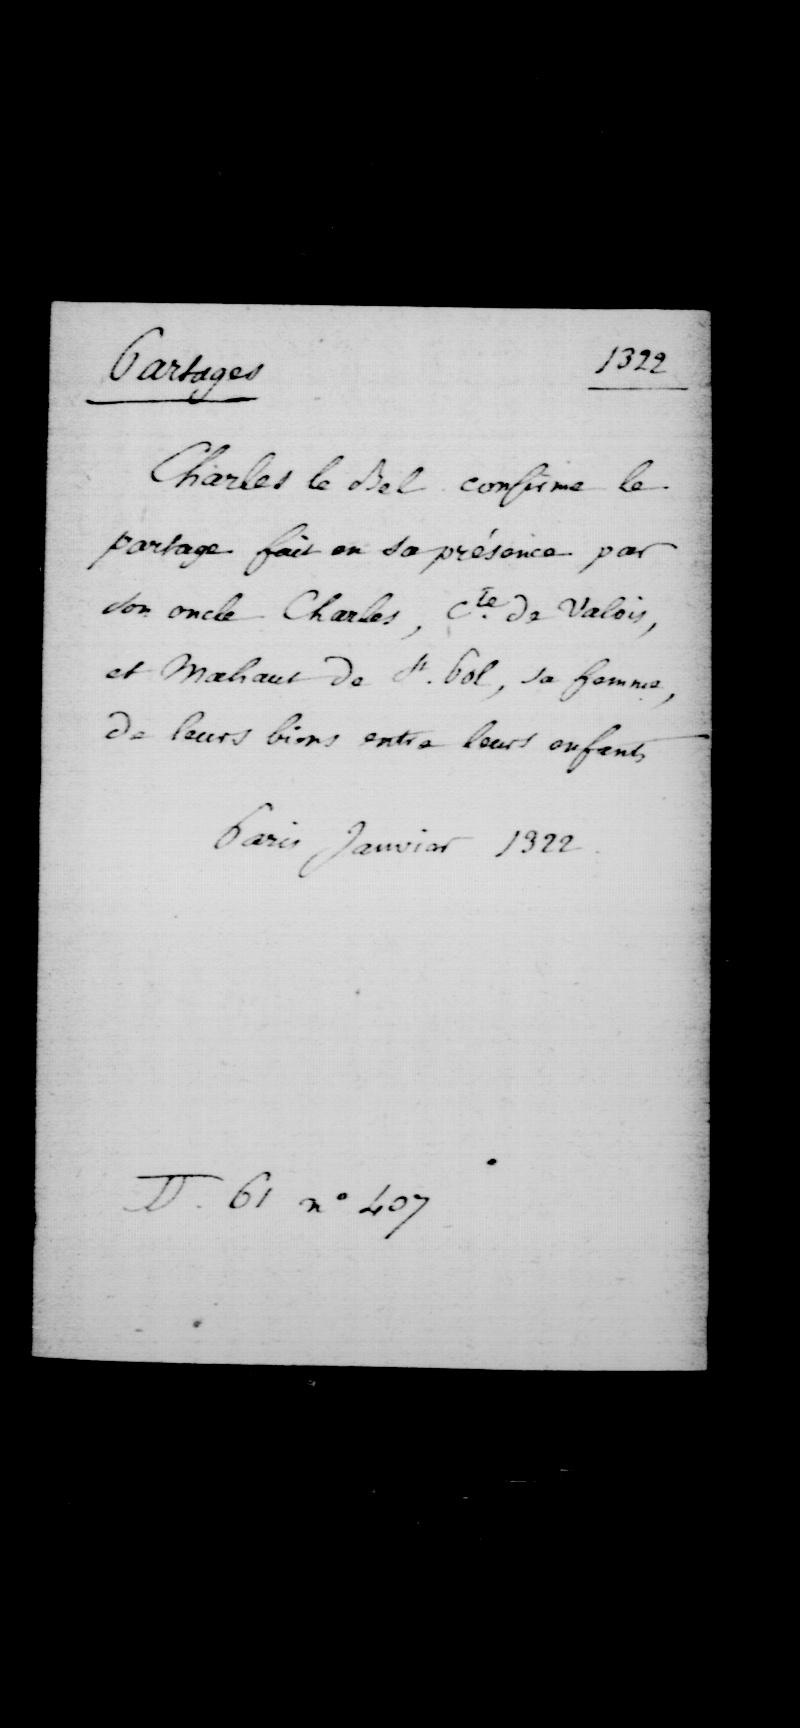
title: Partages
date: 1322
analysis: Charles le Bel confirme le partage fait en sa présence par son oncle Charles, comte de Valois et Mahaut de Saint Pol, sa femme, de leurs biens entre leurs enfant Paris
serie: JJ
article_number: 61
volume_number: n° 407
